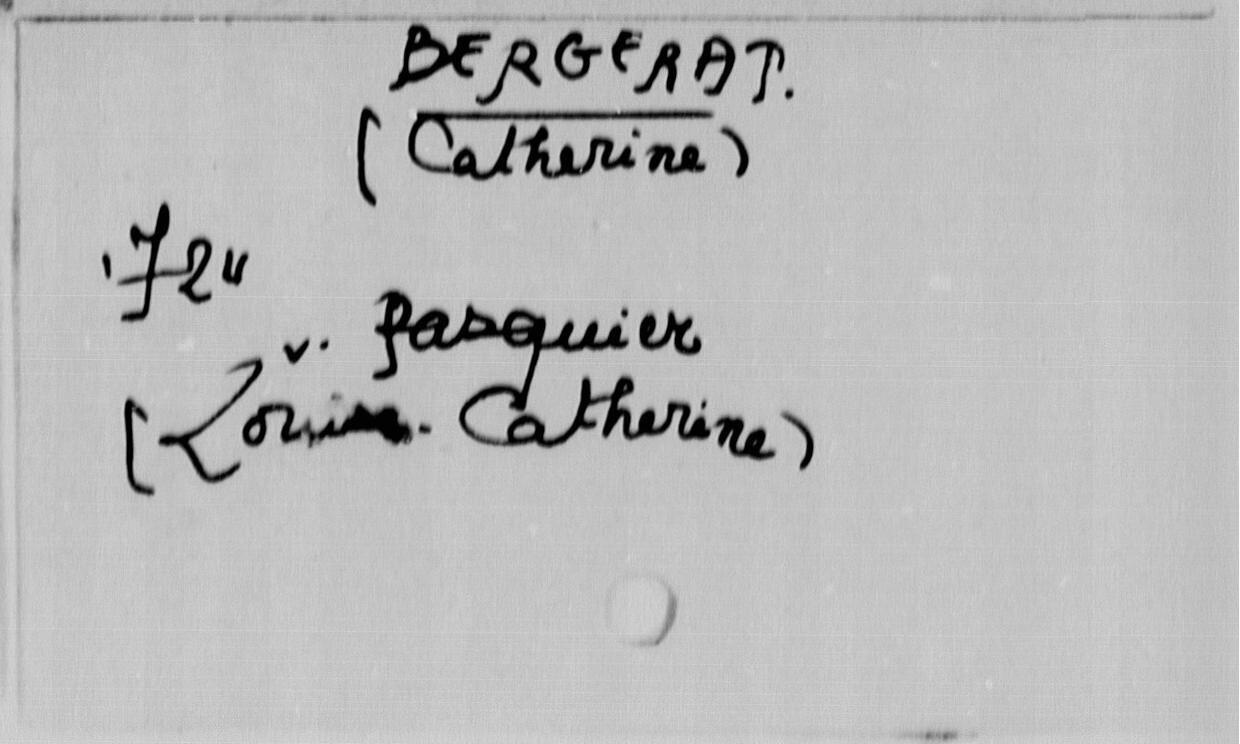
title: BERGERAT (Catherine)
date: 1724
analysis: Voir : PASQUIER (Louise-Catherine)
